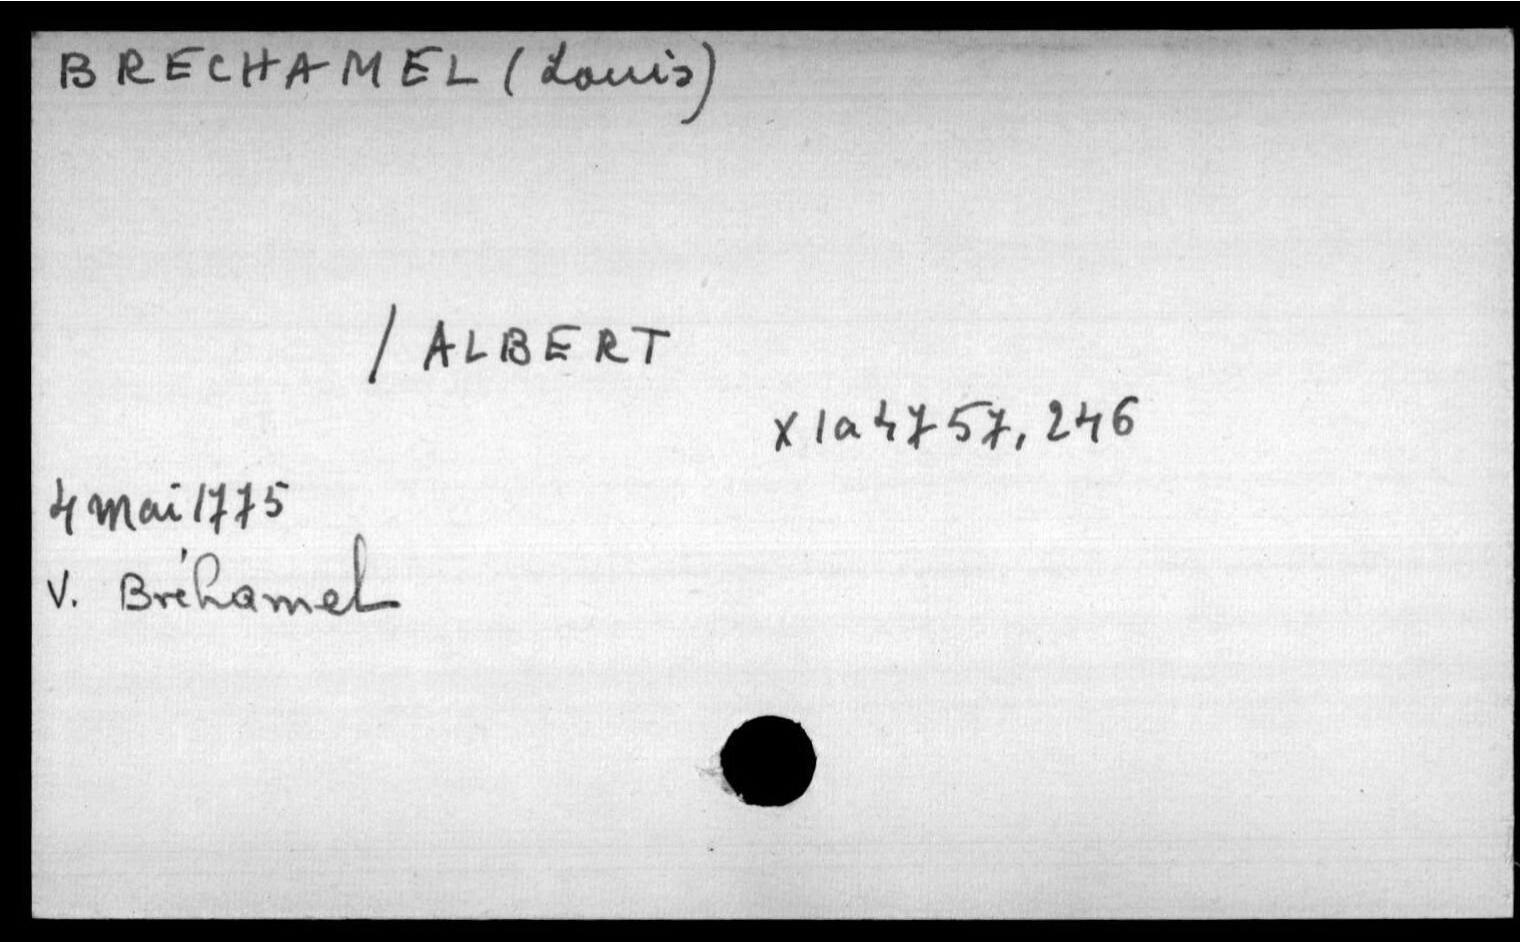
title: BRECHAMEL (Louis)
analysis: Contre ALBERT
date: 4 mai 1775
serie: X1a
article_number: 4757
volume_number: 246
